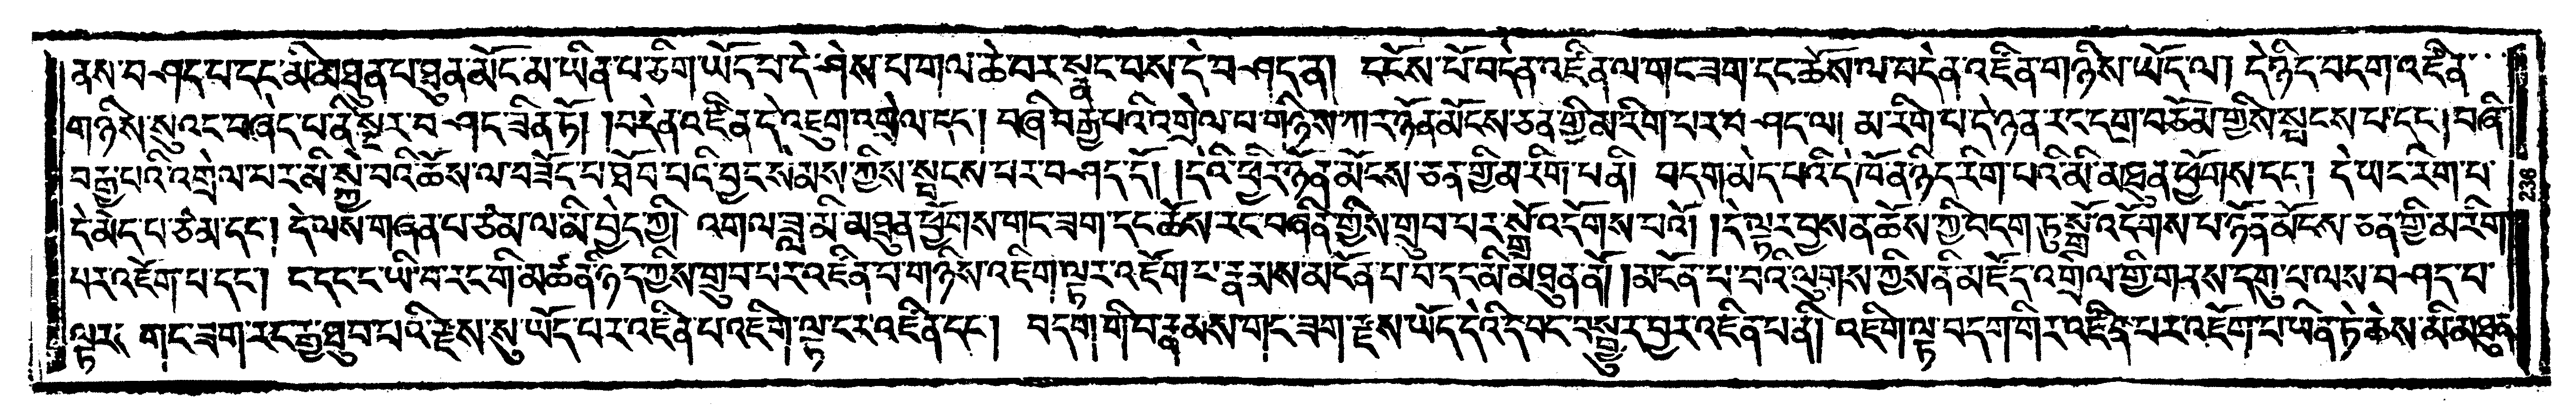ནས་བཤད་པ་དང་མི་མཐུན་པ་ཐུན་མོང་མ་ཡིན་པ་ཅིག་ཡོད་པ་དེ་ཤེས་པ་གལ་ཆེ་བར་སྣང་བས་དེ་བཤད་ན། དངོས་པོ་བདེན་འཛིན་ལ་གང་ཟག་དང་ཆོས་ལ་བདེན་འཛིན་གཉིས་ཡོད་ལ། དེ་ཉིད་བདག་འཛིན་
གཉིས་སུའང་བཞེད་པ་ནི་སྔར་བཤད་ཟིན་ཏོ། །བདེན་འཛིན་དེ་འཇུག་འགྲེལ་དང་། བཞི་བརྒྱ་པའི་འགྲེལ་པ་གཉིས་ཀར་ཉོན་མོངས་ཅན་གྱི་མ་རིག་པར་བཤད་ལ། མ་རིག་པ་དེ་ཉན་རང་དགྲ་བཅོམ་གྱིས་སྤངས་པ་དང་། བཞི་
བརྒྱ་པའི་འགྲེལ་པར་མི་སྐྱེ་བའི་ཆོས་ལ་བཟོད་པ་ཐོབ་པའི་བྱང་སེམས་ཀྱིས་སྤངས་པར་བཤད་དོ། །དེའི་ཕྱིར་ཉོན་མོངས་ཅན་གྱི་མ་རིག་པ་ནི། བདག་མེད་པའི་དེ་ཁོ་ན་ཉིད་རིག་པའི་མི་མཐུན་ཕྱོགས་དང་། དེ་ཡང་རིག་པ་
དེ་མེད་པ་ཙམ་དང་། དེ་ལས་གཞན་པ་ཙམ་ལ་མི་བྱེད་ཀྱི། འགལ་ཟླ་མི་མཐུན་ཕྱོགས་གང་ཟག་དང་ཆོས་རང་བཞིན་གྱིས་གྲུབ་པར་སྒྲོ་འདོགས་པའོ། །དེ་ལྟར་བྱས་ན་ཆོས་ཀྱི་བདག་ཏུ་སྒྲོ་འདོགས་པ་ཉོན་མོངས་ཅན་གྱི་མ་རིག་
པར་འཇོག་པ་དང་། ང་དང་ང་ཡི་བ་རང་གི་མཚན་ཉིད་ཀྱིས་གྲུབ་པར་འཛིན་པ་གཉིས་འཇིག་ལྟར་འཇོག་པ་རྣམས་མངོན་པ་བ་དང་མི་མཐུན་ནོ། །མངོན་པ་བའི་ལུགས་ཀྱིས་ནི་མཛོད་འགྲེལ་གྱི་གནས་དགུ་པ་ལས་བཤད་པ་
ལྟར༑ གང་ཟག་རང་རྒྱ་ཐུབ་པའི་རྫས་སུ་ཡོད་པར་འཛིན་པ་འཇིག་ལྟ་ངར་འཛིན་དང་། བདག་གི་བ་རྣམས་གང་ཟག་རྫས་ཡོད་དེའི་དབང་བསྒྱུར་བྱར་འཛིན་པ་ནི། འཇིག་ལྟ་བདག་གིར་འཛིན་པར་འཇོག་པ་ཡིན་ཏེ་ཆེས་མི་མཐུན་